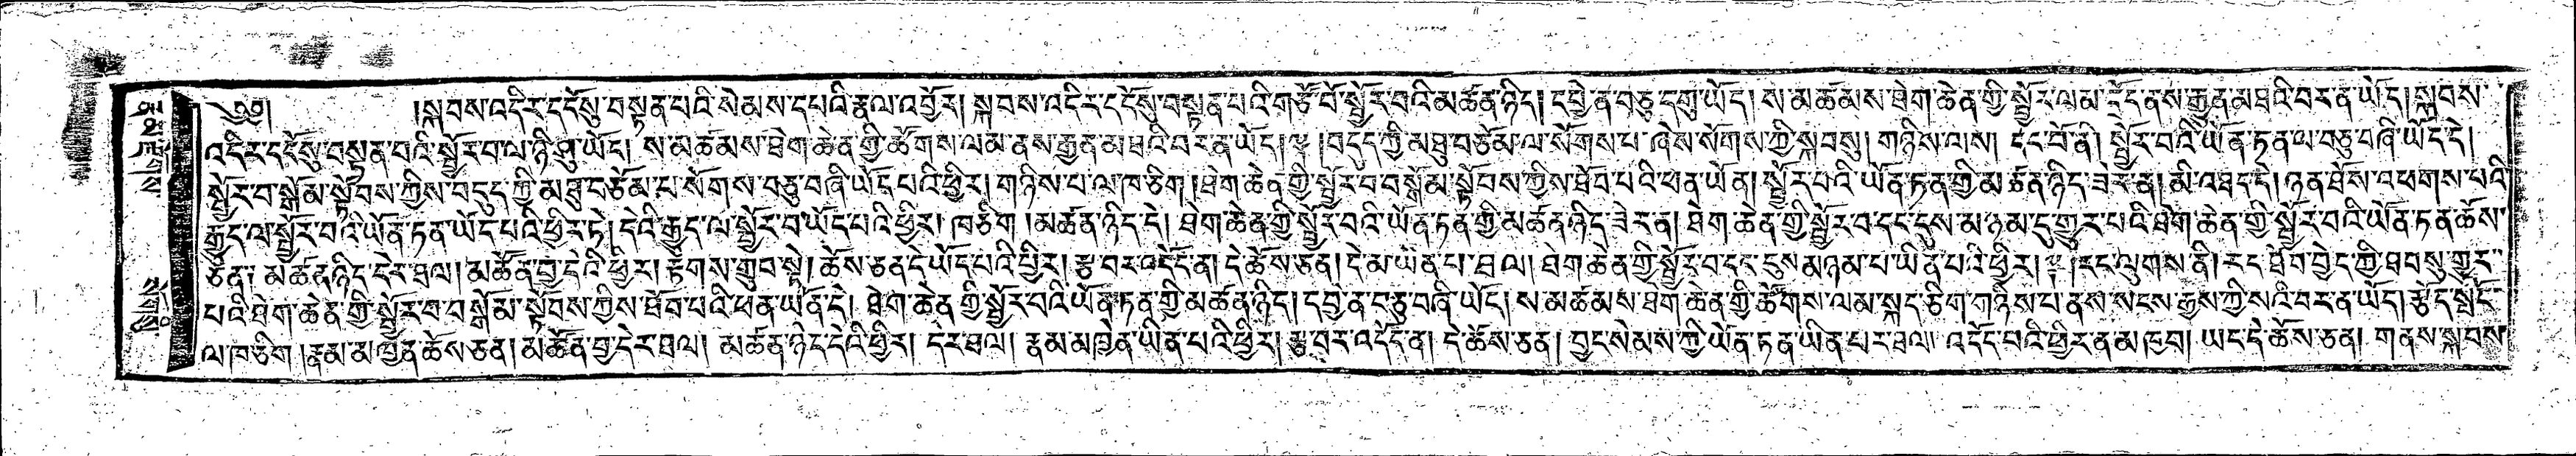༄༅། །སྐབས་འདིར་དངོས་སུ་བསྟན་པའི་སེམས་དཔའི་རྣལ་འབྱོར། སྐབས་འདིར་དངོས་སུ་བསྟན་པའི་གཙོ་བོ་སྦྱོར་བའི་མཚན་ཉིད། དབྱེ་ན་བཅུ་དགུ་ཡོད། ས་མཚམས་ཐེག་ཆེན་གྱི་སྦྱོར་ལམ་དྲོད་ནས་རྒྱུན་མཐའི་བར་ན་ཡོད། སྐབས་
འདིར་དངོས་སུ་བསྟན་པའི་སྦྱོར་བ་ལ་ཉི་ཤུ་ཡོད། ས་མཚམས་ཐེག་ཆེན་གྱི་ཚོགས་ལམ་ནས་རྒྱུན་མཐའི་བར་ན་ཡོད། ༈ །བདུད་ཀྱི་མཐུ་བཅོམ་ལ་སོགས་པ་ཞེས་སོགས་ཀྱི་སྐབས་སུ། གཉིས་ལས། དང་པོ་ནི། སྦྱོར་བའི་ཡོན་ཏན་ལ་བཅུ་བཞི་ཡོད་དེ།
སྦྱོར་བ་སྒོམ་སྟོབས་ཀྱིས་བདུད་ཀྱི་མཐུ་བཅོམ་པ་སོགས་བཅུ་བཞི་ཡོད་པའི་ཕྱིར། གཉིས་པ་ལ་ཁ་ཅིག །ཐེག་ཆེན་གྱི་སྦྱོར་བ་བསྒོམ་སྟོབས་ཀྱིས་ཐོབ་པའི་ཕན་ཡོན། སྦྱོར་བའི་ཡོན་ཏན་གྱི་མཚན་ཉིད་ཟེར་ན། མི་འཐད་དེ། ཉན་ཐོས་འཕགས་པའི་
རྒྱུད་ལ་སྦྱོར་བའི་ཡོན་ཏན་ཡོད་པའི་ཕྱིར་ཏེ། དེའི་རྒྱུད་ལ་སྦྱོར་བ་ཡོད་པའི་ཕྱིར། ཁ་ཅིག། མཚན་ཉིད་དེ། ཐེག་ཆེན་གྱི་སྦྱོར་བའི་ཡོན་ཏན་གྱི་མཚན་ཉིད་ཟེར་ན། ཐེག་ཆེན་གྱི་སྦྱོར་བ་དང་དུས་མཉམ་དུ་གྱུར་པའི་ཐེག་ཆེན་གྱི་སྦྱོར་བའི་ཡོན་ཏན་ཆོས་
ཅན༑ མཚན་ཉིད་དེར་ཐལ། མཚོན་བྱ་དེའི་ཕྱིར། རྟགས་གྲུབ་སྟེ། ཆོས་ཅན་དེ་ཡོད་པའི་ཕྱིར། རྩ་བར་འདོད་ན། དེ་ཆོས་ཅན། དེ་མ་ཡིན་པ་ཐལ། ཐེག་ཆེན་གྱི་སྦྱོར་བ་དང་དུས་མཉམ་པ་ཡིན་པའི་ཕྱིར། ༈ །རང་ལུགས་ནི། རང་ཐོབ་བྱེད་ཀྱི་ཐབས་སུ་གྱུར་
པའི་ཐེག་ཆེན་གྱི་སྦྱོར་བ་བསྒོམ་སྟོབས་ཀྱིས་ཐོབ་པའི་ཕན་ཡོན་དེ། ཐེག་ཆེན་གྱི་སྦྱོར་བའི་ཡོན་ཏན་གྱི་མཚན་ཉིད། དབྱེ་ན་བཅུ་བཞི་ཡོད། ས་མཚམས་ཐེག་ཆེན་གྱི་ཚོགས་ལམ་སྐད་ཅིག་གཉིས་པ་ནས་སངས་རྒྱས་ཀྱི་སའི་བར་ན་ཡོད། རྩོད་སྤོང་
ལ་ཁ་ཅིག །རྣམ་མཁྱེན་ཆོས་ཅན། མཚོན་བྱ་དེར་ཐལ། མཚན་ཉིད་དེའི་ཕྱིར། དེར་ཐལ། རྣམ་མཁྱེན་ཡིན་པའི་ཕྱིར། རྩ་བར་འདོད་ན། དེ་ཆོས་ཅན། བྱང་སེམས་ཀྱི་ཡོན་ཏན་ཡིན་པར་ཐལ། འདོད་པའི་ཕྱིར་ན་མ་ཁྱབ། ཡང་དེ་ཆོས་ཅན། གནས་སྐབས་